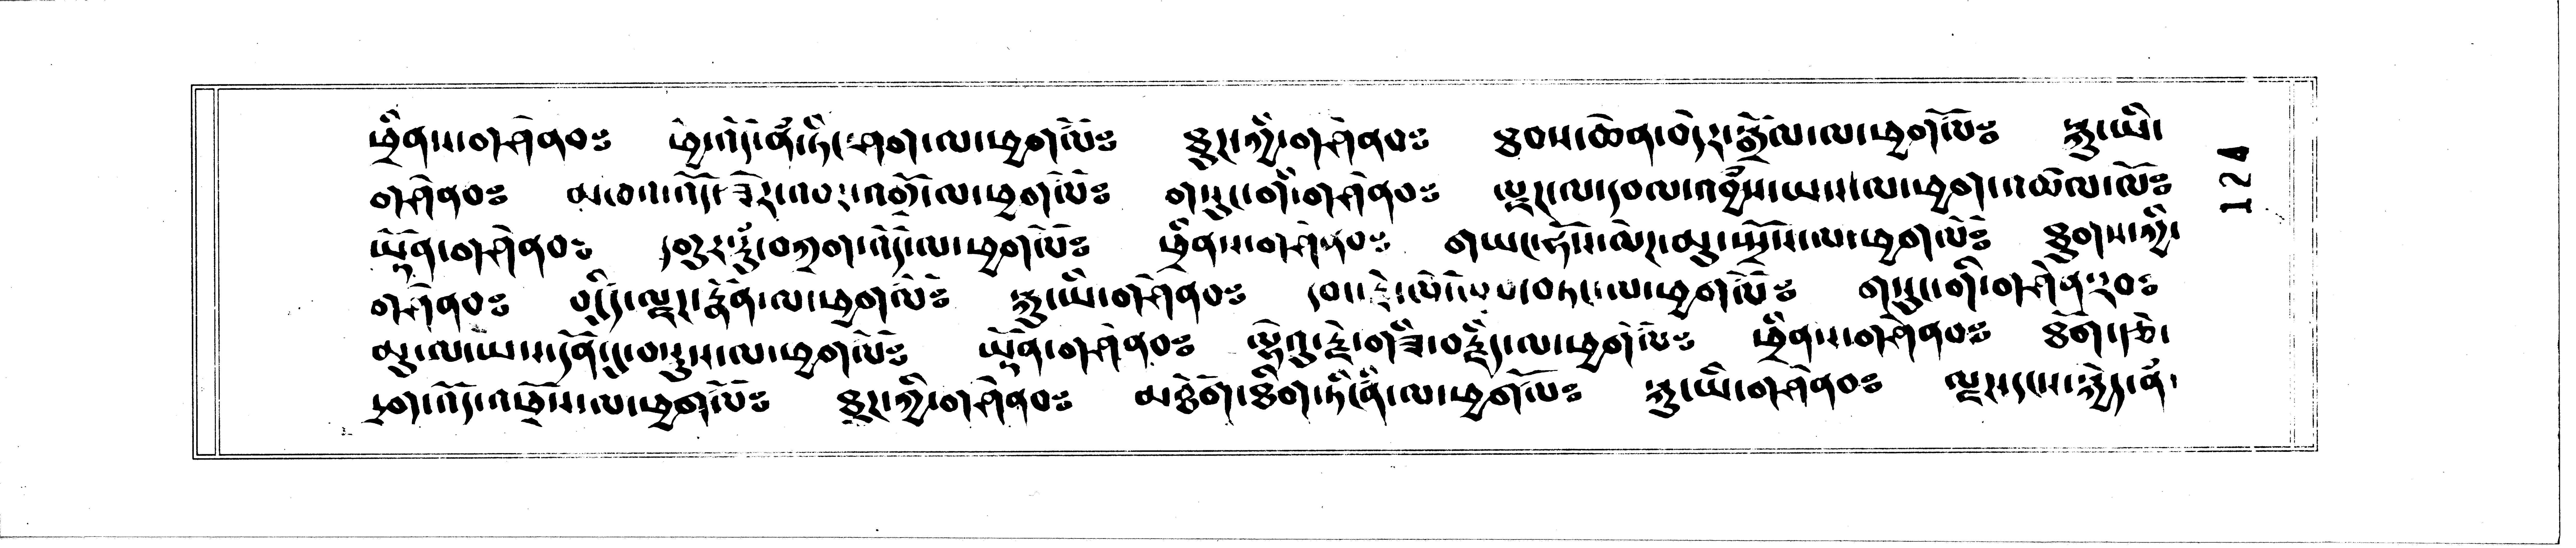ཕྲིན་ལས་ཀྱི་གཤེན་རབཿ ཕྱ་འོད་ནམ་ཏིང་ཤག་ལ་ཕྱག་འཚལ་ལོཿ ཐུགས་ཀྱི་གཤེན་རབཿ ཐབས་ཆེན་བདེར་སྒྲོལ་ལ་ཕྱག་འཚལ་ལོཿ སྐུ་ཡི་
གཤེན་རབཿ མཁའ་འོད་ཟེར་འབར་འཕྲོ་ལ་ཕྱག་འཚལ་ལོཿ གསུང་གི་གཤེན་རབ་ལཿ ལྗགས་ལ་དབལ་འབྱམས་ཡས་ལ་ཕྱག་འཚལ་ལོཿ
ཡོན་ཏན་གྱི་གཤེན་རབཿ དགུང་རུམ་བཀྲག་འོད་ལ་ཕྱག་འཚལ་ལོཿ ཕྲིན་ལས་ཀྱི་གཤེན་རབཿ གཡང་ཧོས་ལེགས་མུ་སྤྲོས་ལ་ཕྱག་འཚལ་ལོཿ ཐུགས་ཀྱི་
གཤེན་རབཿ བདུད་རྩི་ལྗགས་རྣོན་ལ་ཕྱག་འཚལ་ལོཿ སྐུ་ཡི་གཤེན་རབཿ དབང་རྗེ་ཁྲོ་ཁྱབ་བཏང་ལ་ཕྱག་འཚལ་ལོཿ གསུང་གི་གཤེན་རབཿ
 མུ་ལ་ཡས་དོན་དུ་སྡུད་ལ་ཕྱག་འཚལ་ལོཿ ཡོན་ཏན་གྱི་གཤེན་རབཿ ལྷེའུ་རྗེ་གཟི་བརྗིད་ལ་ཕྱག་འཚལ་ལོཿ ཕྲིན་ལས་ཀྱི་གཤེན་རབཿ ཐོག་རྩེ་
དྲག་འོད་འཕྲོ་ལ་ཕྱག་འཚལ་ལོཿ ཐུགས་ཀྱི་གཤེན་རབཿ མཐོར་ཐིག་ཏིང་འཛིན་ལ་ཕྱག་འཚལ་ལོཿ སྐུ་ཡི་གཤེན་རབཿ ལྗགས་དང་སྐྱེད་ནམ་